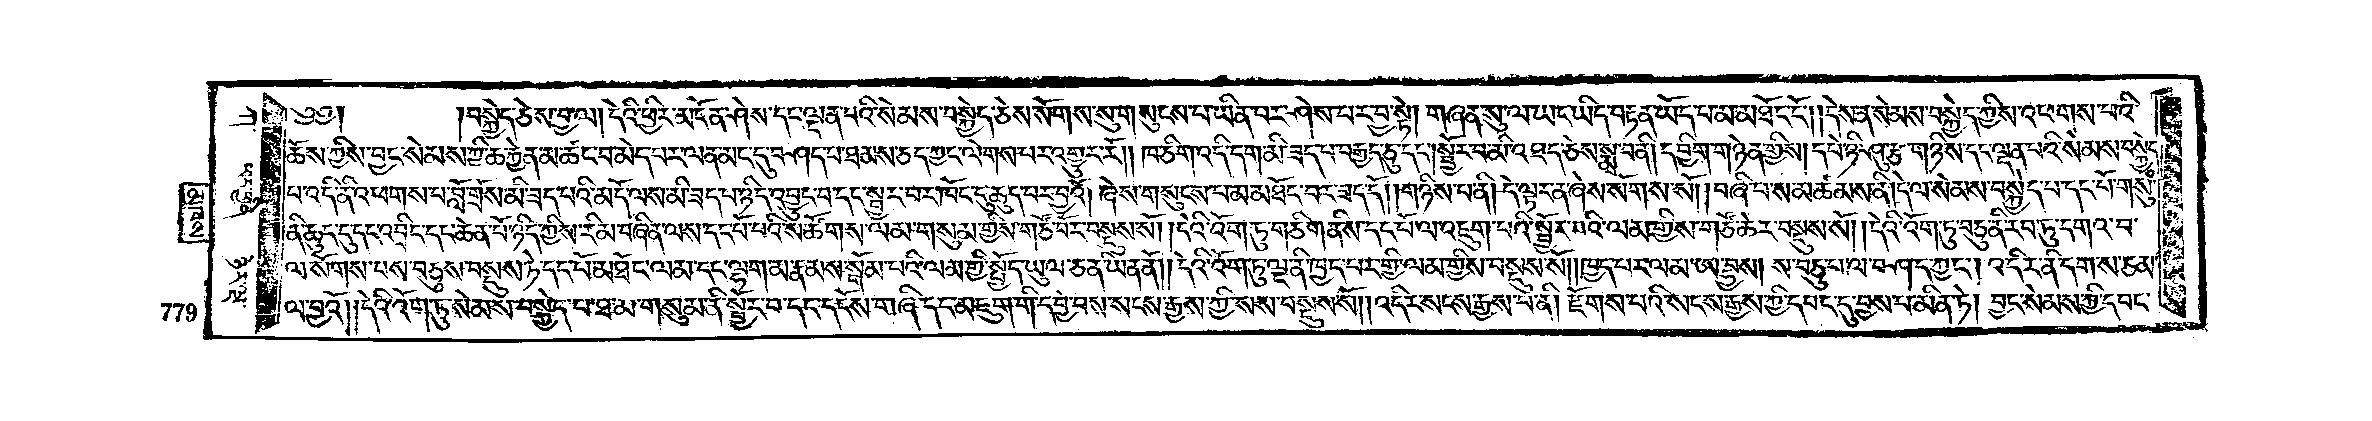༄༅། །བསྐྱེད་ཅེས་བྱ་ལ། དེའི་ཕྱིར་མངོན་ཤེས་དང་ལྡན་པའི་སེམས་བསྐྱེད་ཅེས་སོགས་སུ་གསུངས་པ་ཡིན་པར་ཤེས་པར་བྱ་སྟེ། གཞན་སུ་ལ་ཡང་ཡིད་བརྟན་ཡོད་པ་མ་མཐོང་ངོ། །དེས་ན་སེམས་བསྐྱེད་ཀྱིས་འཕགས་པའི་
ཆོས་ཀྱིས་བྱང་སེམས་ཀྱི་ཆ་རྐྱེན་མ་ཚང་བ་མེད་པར་ལན་མང་དུ་བཤད་པ་ཐམས་ཅད་ཀྱང་ལེགས་པར་འགྱུར་རོ། །ཁ་ཅིག་འདི་དག་མི་ཟད་པ་བརྒྱད་ཅུ་དང་། སྦྱོར་བ་མི་འཐད་ཅེས་སྨྲ་བ་ནི། དབྱིག་གཉེན་གྱིས། དཔེ་ཉི་ཤུ་རྩ་གཉིས་དང་ལྡན་པའི་སེམས་བསྐྱེད་
པ་འདི་ནི་འཕགས་པ་བློ་གྲོས་མི་ཟད་པའི་མདོ་ལས་མི་ཟད་པ་ཉིད་འབྱུང་བ་དང་སྦྱར་བར་ཁོང་དུ་ཆུད་པར་བྱའོ། ཞེས་གསུངས་པ་མ་མཐོང་བར་ཟད་དོ། །གཉིས་པ་ནི། དེ་ལྟར་ན་ཞེས་སོགས་སོ། །བཞི་པ་ས་མཚམས་ནི། དེ་ལ་སེམས་བསྐྱེད་པ་དང་པོ་གསུམ་
ནི་ཆུང་ངུ་དང་འབྲིང་དང་ཆེན་པོ་ཉིད་ཀྱིས་རིམ་བཞིན་ལས་དང་པོ་པའི་ས་ཚོགས་ལམ་གསུམ་གྱིས་གཙོ་བོར་བསྡུས་སོ། །དེའི་འོག་ཏུ་གཅིག་ནི་ས་དང་པོ་ལ་འཇུག་པའི་སྦྱོར་བའི་ལམ་གྱིས་གཙོ་ཆེར་བསྡུས་སོ། །དེའི་འོག་ཏུ་བཅུ་ནི་རབ་ཏུ་དགའ་བ་
ལ་སོགས་པས་བཅུས་བསྡུས་ཏེ་དང་པོ་མཐོང་ལམ་དང་ལྷག་མ་རྣམས་སྒོམ་པའི་ལམ་གྱི་སྤྱོད་ཡུལ་ཅན་ཡིན་ནོ། །དེའི་འོག་ཏུ་ལྡན་ནི་ཁྱད་པར་གྱི་ལམ་གྱིས་བསྡུས་སོ། །ཁྱད་པར་ལམ་ཨ་བྷྱས། ས་བཅུ་པ་ལ་བཤད་ཀྱང་། འདིར་ནི་དག་ས་ཙམ་
ལ་བྱའོ། །དེའི་འོག་ཏུ་སེམས་བསྐྱེད་པ་ཐ་མ་གསུམ་ནི་སྦྱོར་བ་དང་དངོས་གཞི་དང་མཇུག་གི་དབྱེ་བས་སངས་རྒྱས་ཀྱི་སས་བསྡུས་སོ། །འདིར་སངས་རྒྱས་པ་ནི། རྫོགས་པའི་སངས་རྒྱས་ཀྱི་དབང་དུ་བྱས་པ་མིན་ཏེ། བྱང་སེམས་ཀྱི་དབང་